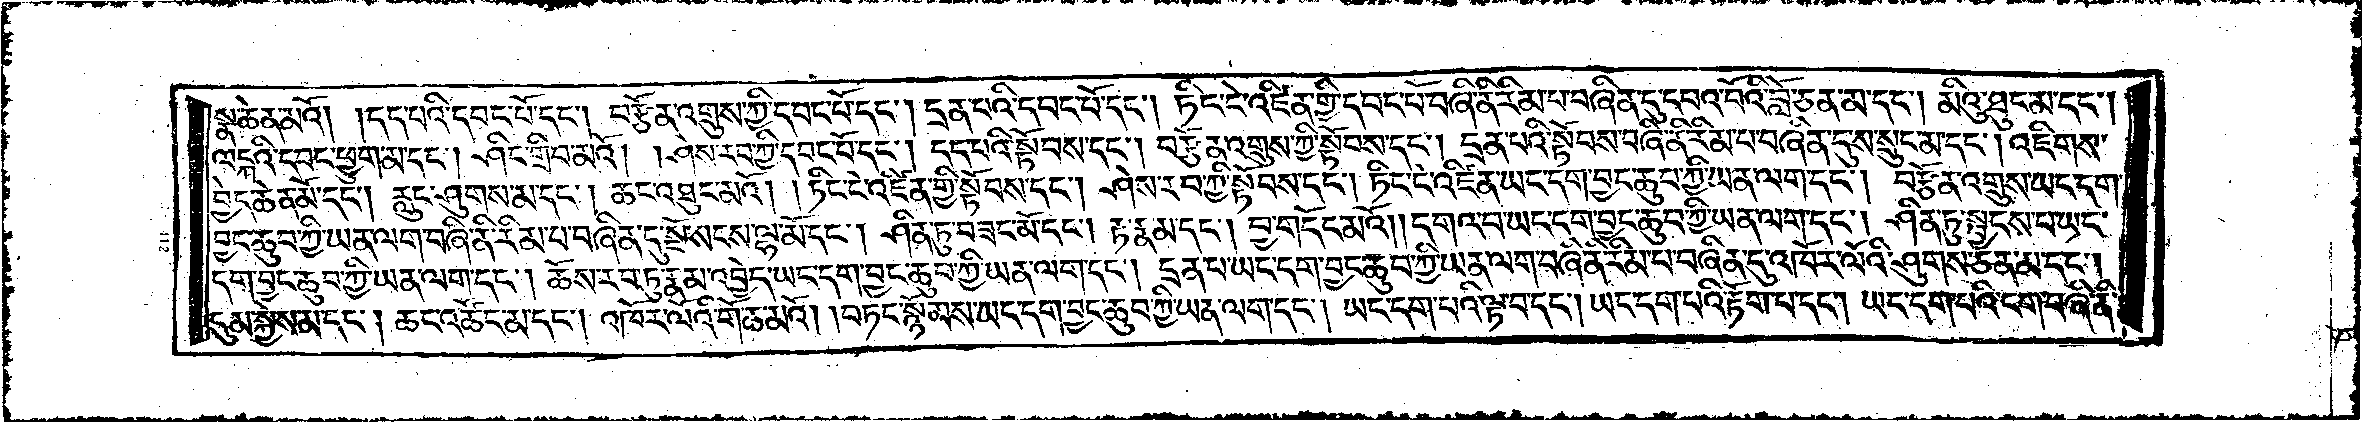སྣ་ཆེན་མའོ། །དད་པའི་དབང་པོ་དང་། བརྩོན་འགྲུས་ཀྱི་དབང་པོ་དང་། དྲན་པའི་དབང་པོ་དང་། ཏིང་ངེ་འཛིན་གྱི་དབང་པོ་བཞི་ནི་རིམ་པ་བཞིན་དུ་དཔའ་བོའི་བློ་ཅན་མ་དང་། མིའུ་ཐུང་མ་དང་།
?་དབང་ཕྱུག་མ་དང་། ཤིང་གྲིབ་མའོ། །ཤེས་རབ་ཀྱི་དབང་པོ་དང་། དད་པའི་སྟོབས་དང་། བརྩོན་འགྲུས་ཀྱི་སྟོབས་དང་། དྲན་པའི་སྟོབས་བཞི་ནི་རིམ་པ་བཞིན་དུ་ས་སྲུང་མ་དང་། འཇིགས་
བྱེད་ཆེན་མོ་དང་། རླུང་ཤུགས་མ་དང་། ཆང་འཐུང་མའོ། །ཏིང་ངེ་འཛིན་གྱི་སྟོབས་དང་། ཤེས་རབ་ཀྱི་སྟོབས་དང་། ཏིང་ངེ་འཛིན་ཡང་དག་བྱང་ཆུབ་ཀྱི་ཡན་ལག་དང་། བརྩོན་འགྲུས་ཡང་དག་
བྱང་ཆུབ་ཀྱི་ཡན་ལག་བཞི་ནི་རིམ་པ་བཞིན་དུ་སྔོ་སངས་ལྷ་མོ་དང་། ཤིན་ཏུ་བཟང་མོ་དང་། རྟ་རྣམ་དང་། བྱ་གདོང་མའོ། །དགའ་བ་ཡང་དག་བྱང་ཆུབ་ཀྱི་ཡན་ལག་དང་། ཤིན་ཏུ་སྦྱངས་པ་ཡང་
དག་བྱང་ཆུབ་ཀྱི་ཡན་ལག་དང་། ཆོས་རབ་ཏུ་རྣམ་འབྱེད་ཡང་དག་བྱང་ཆུབ་ཀྱི་ཡན་ལག་དང་། དྲན་པ་ཡང་དག་བྱང་ཆུབ་ཀྱི་ཡན་ལག་བཞི་ནི་རིམ་པ་བཞིན་དུ་འཁོར་ལོའི་ཤུགས་ཅན་མ་དང་།
དུ་མ་སྐྱེས་མ་དང་། ཆང་འཚོང་མ་དང་། འཁོར་ལོའི་གོ་ཆ་མའོ། །བཏང་སྙོམས་ཡང་དག་བྱང་ཆུབ་ཀྱི་ཡན་ལག་དང་། ཡང་དག་པའི་ལྟ་བ་དང་། ཡང་དག་པའི་རྟོག་པ་དང་། ཡང་དག་པའི་དག་བཞི་ནི་